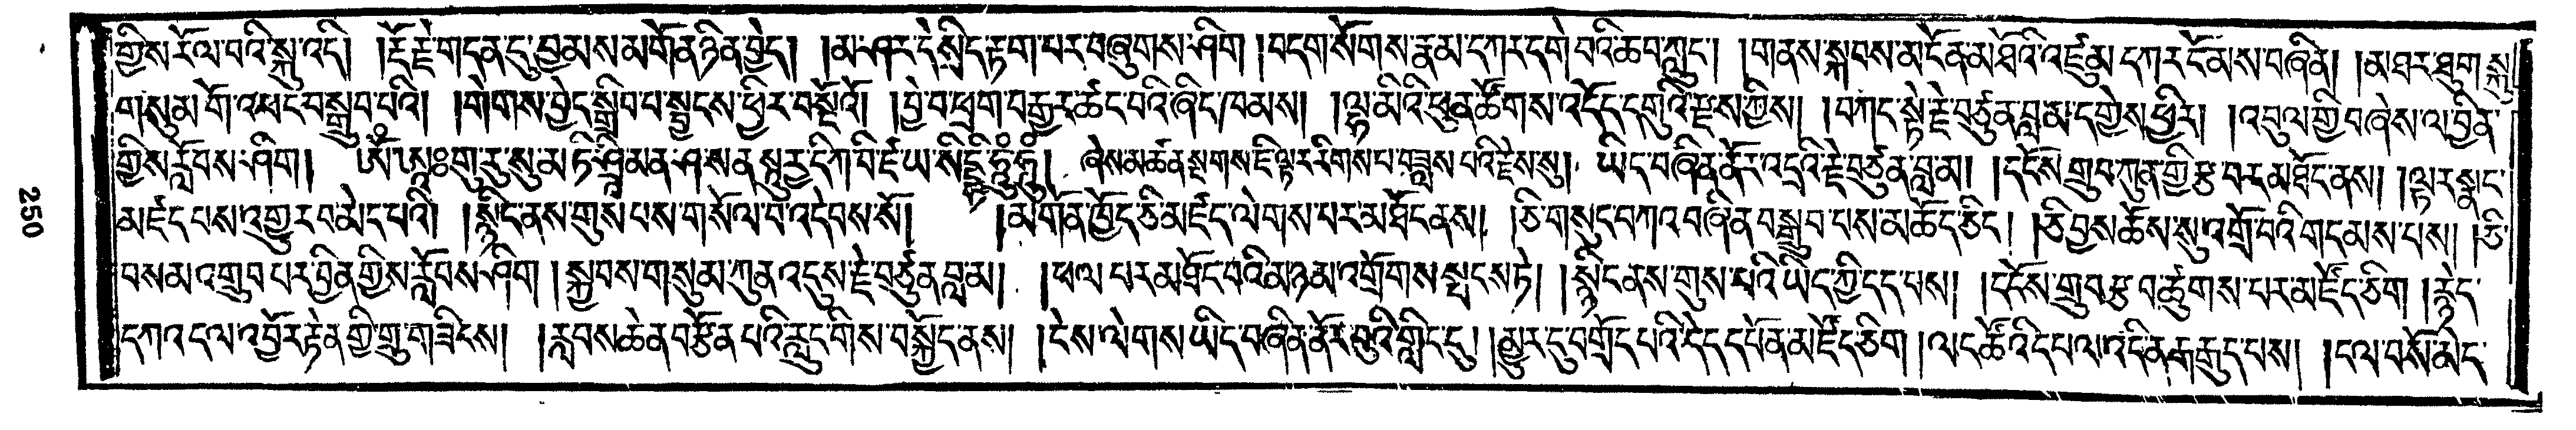གྱིས་རོལ་བའི་སྐུ་འདི། །རྡོ་རྗེ་གདན་དུ་བྱམས་མགོན་ཉིན་བྱེད། །མ་ཤར་དེ་སྲིད་རྟག་པར་བཞུགས་ཤིག །བདག་སོགས་རྣམ་དཀར་དགེ་བའི་ཆབ་ཀླུང་། །གནས་སྐབས་མངོན་མཐོའི་འཛུམ་དཀར་ངོམས་བཞིན། །མཐར་ཐུག་སྐུ་
གསུམ་གོ་འཕང་བསྒྲུབ་པའི། །གེགས་བྱེད་སྒྲིབ་པ་སྦྱངས་ཕྱིར་བསྔོའོ། །བྱེ་བ་ཕྲག་བརྒྱར་ཚང་བའི་ཞིང་ཁམས། །ལྷ་མིའི་ཕུན་ཚོགས་འདོད་དགུའི་རྫས་ཀྱིས། །བཀང་སྟེ་རྗེ་བཙུན་བླ་མ་དགྱེས་ཕྱིར། །འབུལ་གྱི་བཞེས་ལ་བྱིན་
གྱིས་རློབས་ཤིག། ཨོཾ་ཨཱཿ གུ་རུ་སུ་མ་ཏི་ཤྲཱི་མན་ཤ་ས་ན་སཱུརྱ་དིཀ་བི་ཛ་ཡ་སིདྡྷི་ཧཱུཾ་ཧཱུཾ། ཞེས་མཚན་སྔགས་ཇི་ལྟར་རིགས་པ་བཟླས་པའི་རྗེས་སུ། ཡིད་བཞིན་ནོར་འདྲའི་རྗེ་བཙུན་བླ་མ། །དངོས་གྲུབ་ཀུན་གྱི་རྩ་བར་མཐོང་ནས། །ལྟར་སྣང་
མཛད་པས་འགྱུར་བ་མེད་པའི། །སྙིང་ནས་གུས་པས་གསོལ་བ་འདེབས་སོ། །མགོན་ཁྱོད་ཅི་མཛད་ལེགས་པར་མཐོང་ནས། །ཅི་གསུང་བཀའ་བཞིན་བསྒྲུབ་པས་མཆོད་ཅིང་། །ཅི་བྱས་ཆོས་སུ་འགྲོ་བའི་གདམས་པས། །ཅི་
བསམ་འགྲུབ་པར་བྱིན་གྱིས་རློབས་ཤིག །སྐྱབས་གསུམ་ཀུན་འདུས་རྗེ་བཙུན་བླ་མ། །ཕལ་པར་མཐོང་བའི་མཉམ་འགྲོགས་སྤངས་ཏེ། །སྙིང་ནས་གུས་པའི་ཡིད་ཀྱི་དད་པས། །དངོས་གྲུབ་རྩ་བ་ཚུགས་པར་མཛོད་ཅིག །རྙེད་
དཀའ་དལ་འབྱོར་རྟེན་གྱི་གྲུ་གཟིངས། །རླབས་ཆེན་བརྩོན་པའི་རླུང་གིས་བསྐྱོད་ནས། །ངེས་ལེགས་ཡིད་བཞིན་ནོར་བུའི་གླིང་དུ། །མྱུར་དུ་བགྲོད་པའི་དེད་དཔོན་མཛོད་ཅིག །ལང་ཚོའི་དཔལ་འདི་ན་རྒ་རྒུད་པས། །ངལ་བསོ་མེད་